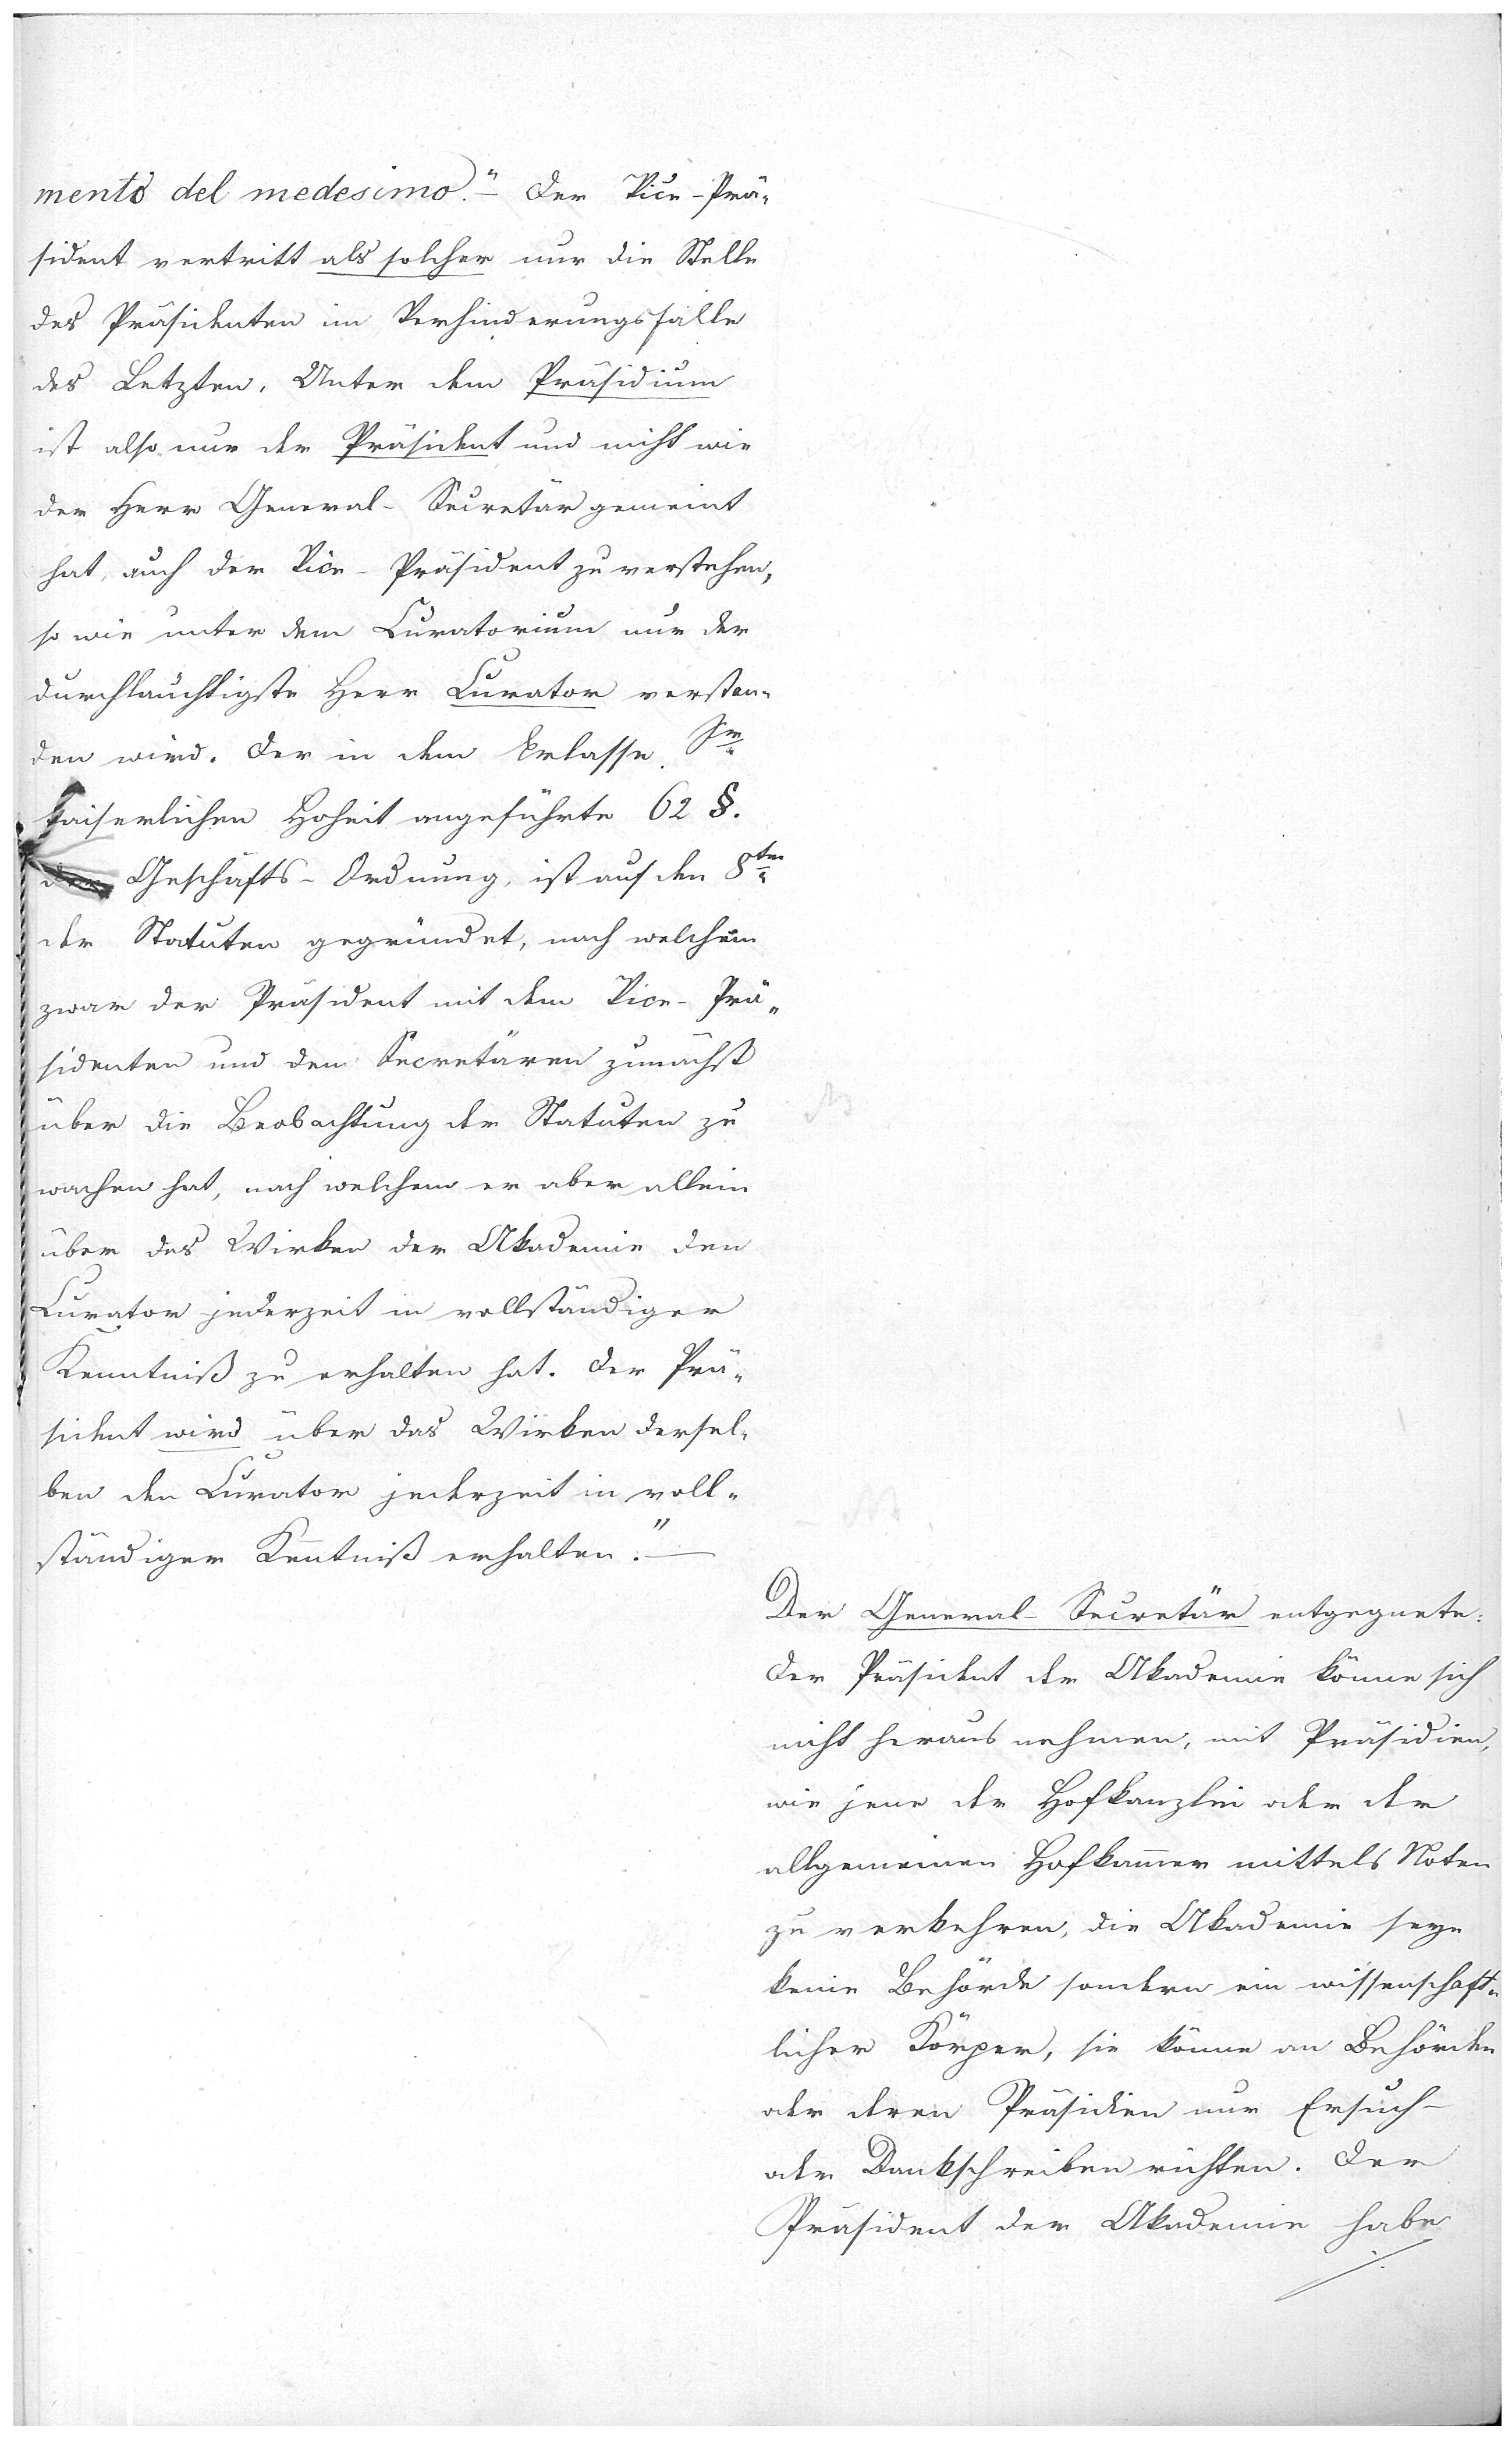mento del medesimo." - Der Vice-Prä-
sident vertritt als solcher nur die Stelle
des Präsidenten im Verhinderungsfalle
des Letzteren, Unter dem Präsidium
ist also nur der Präsident und nicht wie
der Herr General-Secretär gemeint
hat, auch der Vice-Präsident zu verstehen,
so wie unter dem Curatorium nur der
durchlauchtigste Herr Curator verstan-
den wird. Der in dem Erlasse Sr.
kaiserlichen Hoheit angeführte 62 §.
der Geschäfts-Ordnung, ist auf den 8ten
der Statuten gegründet, nach welchem
zwar der Präsident mit dem Vice-Prä-
sidenten und den Secretären zunächst
über die Beobachtung der Statuten zu
wachen hat, nach welchem er aber allein
über das Wirken der Akademie den
Curator jederzeit in vollständiger
Kenntniß zu erhalten hat. Der Prä-
sident wird über das Wirken dersel-
ben den Curator jederzeit in voll-
ständiger Kenntniß erhalten."
Der General-Secretär entgegnete:
Der Präsident der Akademie könne sich
nicht herausnehmen, mit Präsidien,
wie jener der Hofkanzlei oder der
allgemeinen Hofkammer mittels Noten
zu verkehren, die Akademie seye
keine Behörde, sondern ein wissenschaft-
licher Körper, sie könne an Behörden
oder deren Präsidien nur Ersuche
oder Dankschreiben richten. Der
Präsident der Akademie habe